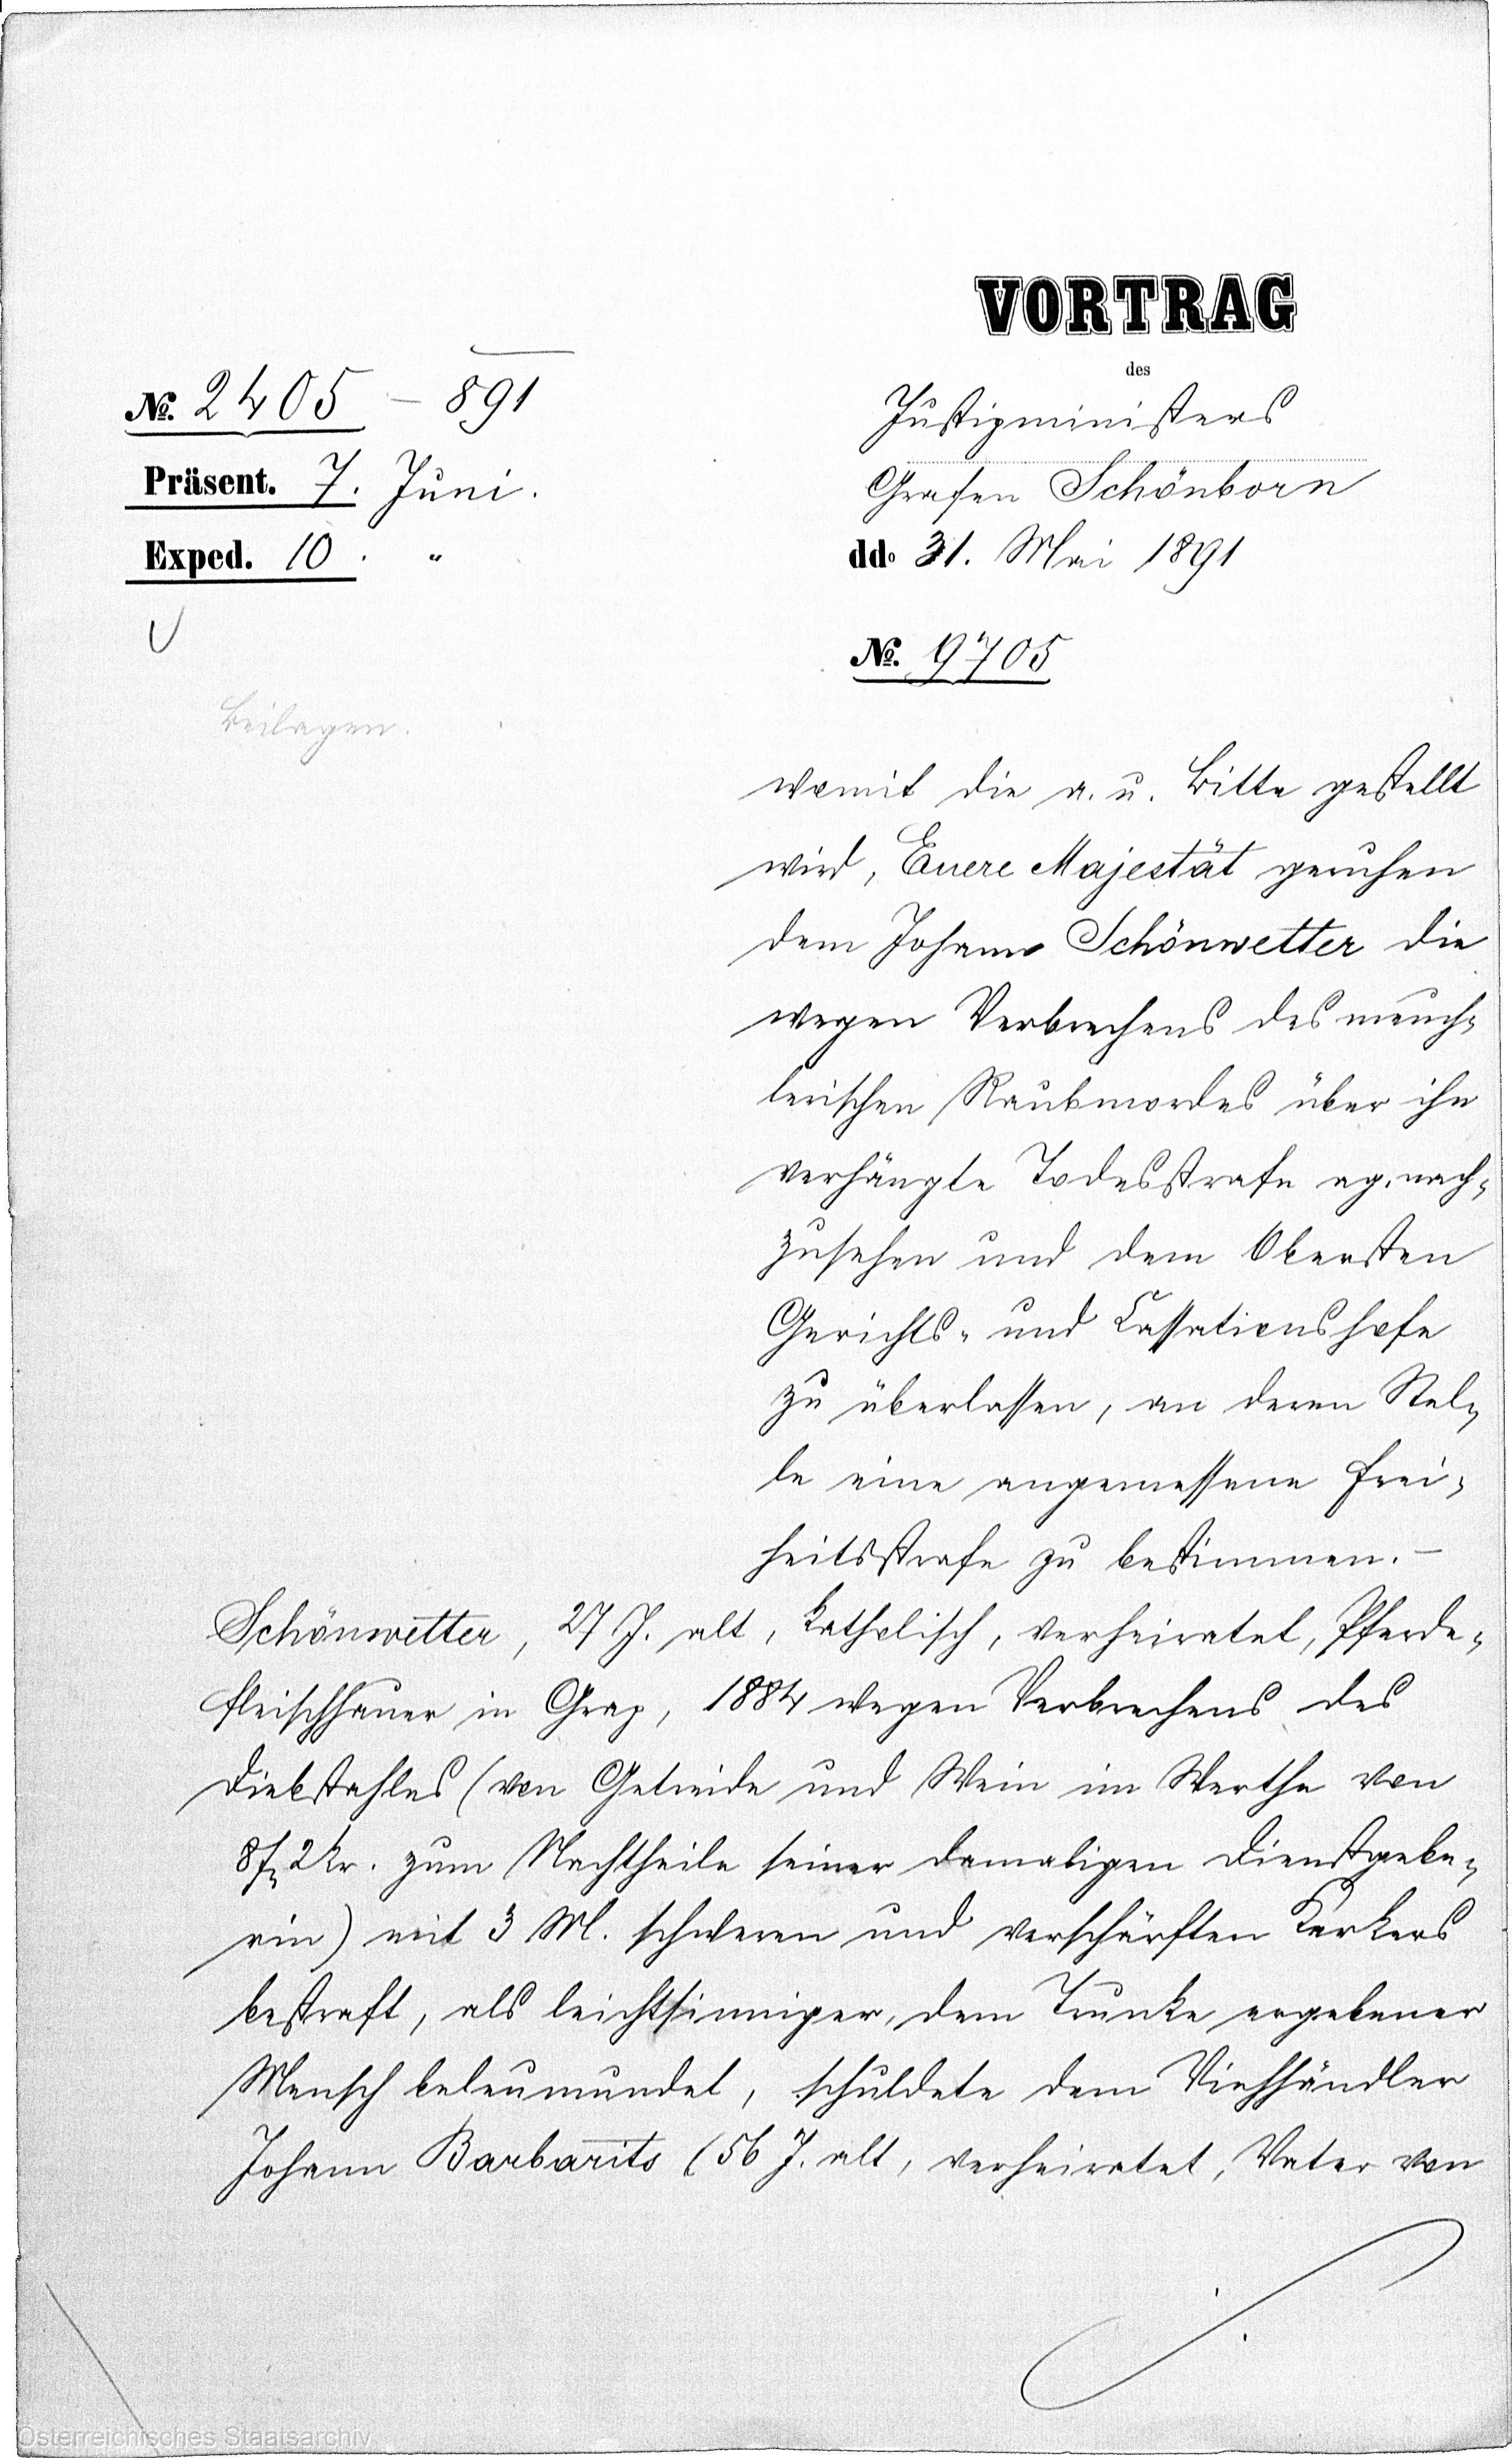No 2405– 1891
Präsent. – 7. Juni
Exped. – 10. „
Beilagen
VORTRAG
des
Justizministers,
Grafen Schönborn
ddo 31. Mai 1891
No. 9705
Womit die a. u. Bitte gestellt
wird, Euere Majestät geruhen
dem Johann Schönwetter die
wegen Verbrechens des meuch¬
lerischen Raubmordes über ihn
verhängten Todesstrafe ag. nach¬
zusehen und dem Obersten
Gerichts- und Cassationshofe
zu überlassen, an deren Stel¬
le eine angemessene Frei¬
heitsstrafe zu bestimmen.–
Schönwetter, 27 J. alt, katholisch, verheiratet, Pferde¬
fleischhauer in Graz, 1884 wegen Verbrechens des
Diebstahles (von Getreide und Wein im Werthe vom
8f2kr zum Nachtheile seiner damaligen Dienstgebe¬
rin) mit 3 Wl schweren und verschärften Kerkers
bestraft, als leichtsinniger, dem Trunke ergebener
Mensch beleumundet, schuldete dem Viehhändler
Johann Barbarits (56 J. alt, verheiratet, Vater von